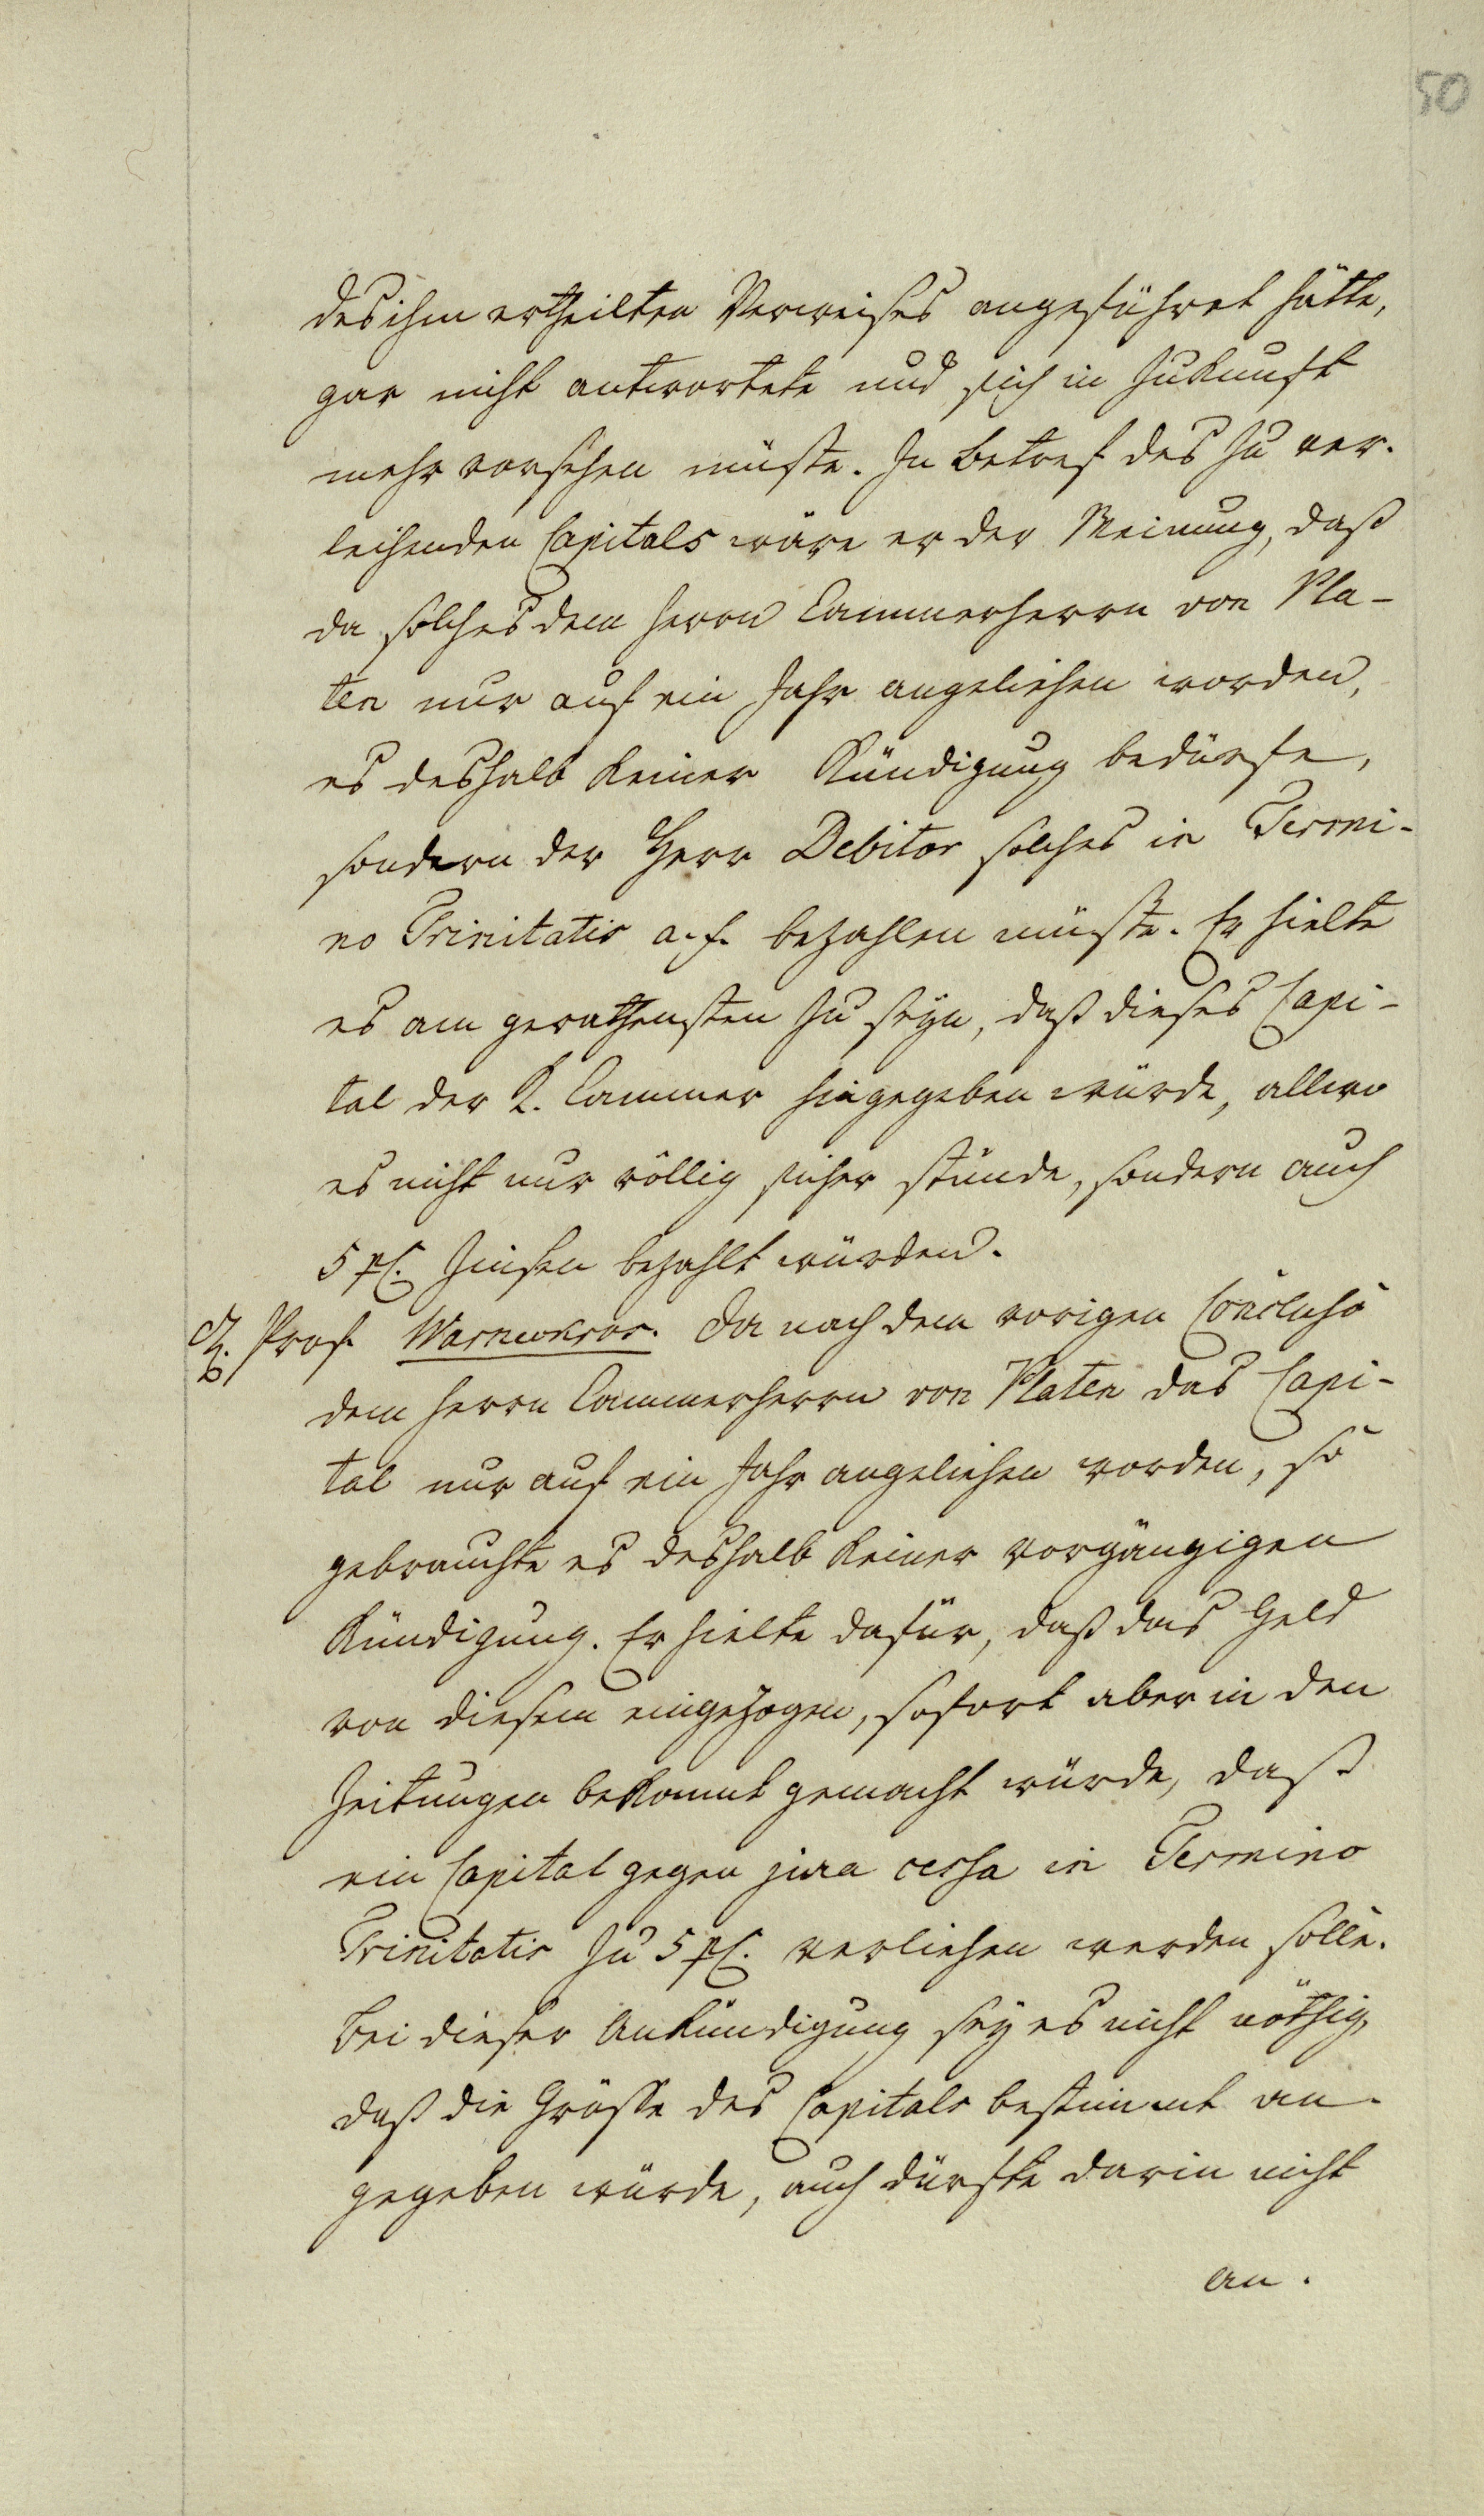des ihm ertheilten Verweises angeführet hätte,
gar nicht antwortete und sich in Zukunft
mehr vorsehen müßte. In Betref des zu ver¬
leihenden Capitals wäre er der Meinung, daß
da solches dem Herrn Cammerherrn von Pla¬
ten nur auf ein Jahr angeliehen worden,
es deshalb keiner Kündigung bedürfe,
sondern der Herr Debitor solches in Termi¬
no Trinitatis a. f. bezahlen müßte. Er hielte
es am gerathensten zu seÿn, daß dieses Capi¬
tal der K. Cammer hingegeben würde, allwo
es nicht nur völlig sicher stünde, sondern auch
5 pl. Zinsen bezahlt würden.
dh. Prof. Warneckros. Da nach dem vorigen Concluso
dem Herrn Cammerherrn von Platen das Capi¬
tal nur auf ein Jahr angeliehen worden, so
gebrauchte es deshalb keiner vorgängigen
Kündigung. Er hielte dafür, daß das Geld
von diesem eingezogen, sofort aber in den
Zeitungen bekannt gemacht würde, daß
ein Capital gegen jura cessa in Termino
Trinitatis zu 5 pl. verliehen werden solle.
Bei dieser Ankündigung seÿ es nicht nöthig,
daß die Grösse des Capitals bestimmt an¬
gegeben würde, auch dürfte darin nicht
an¬